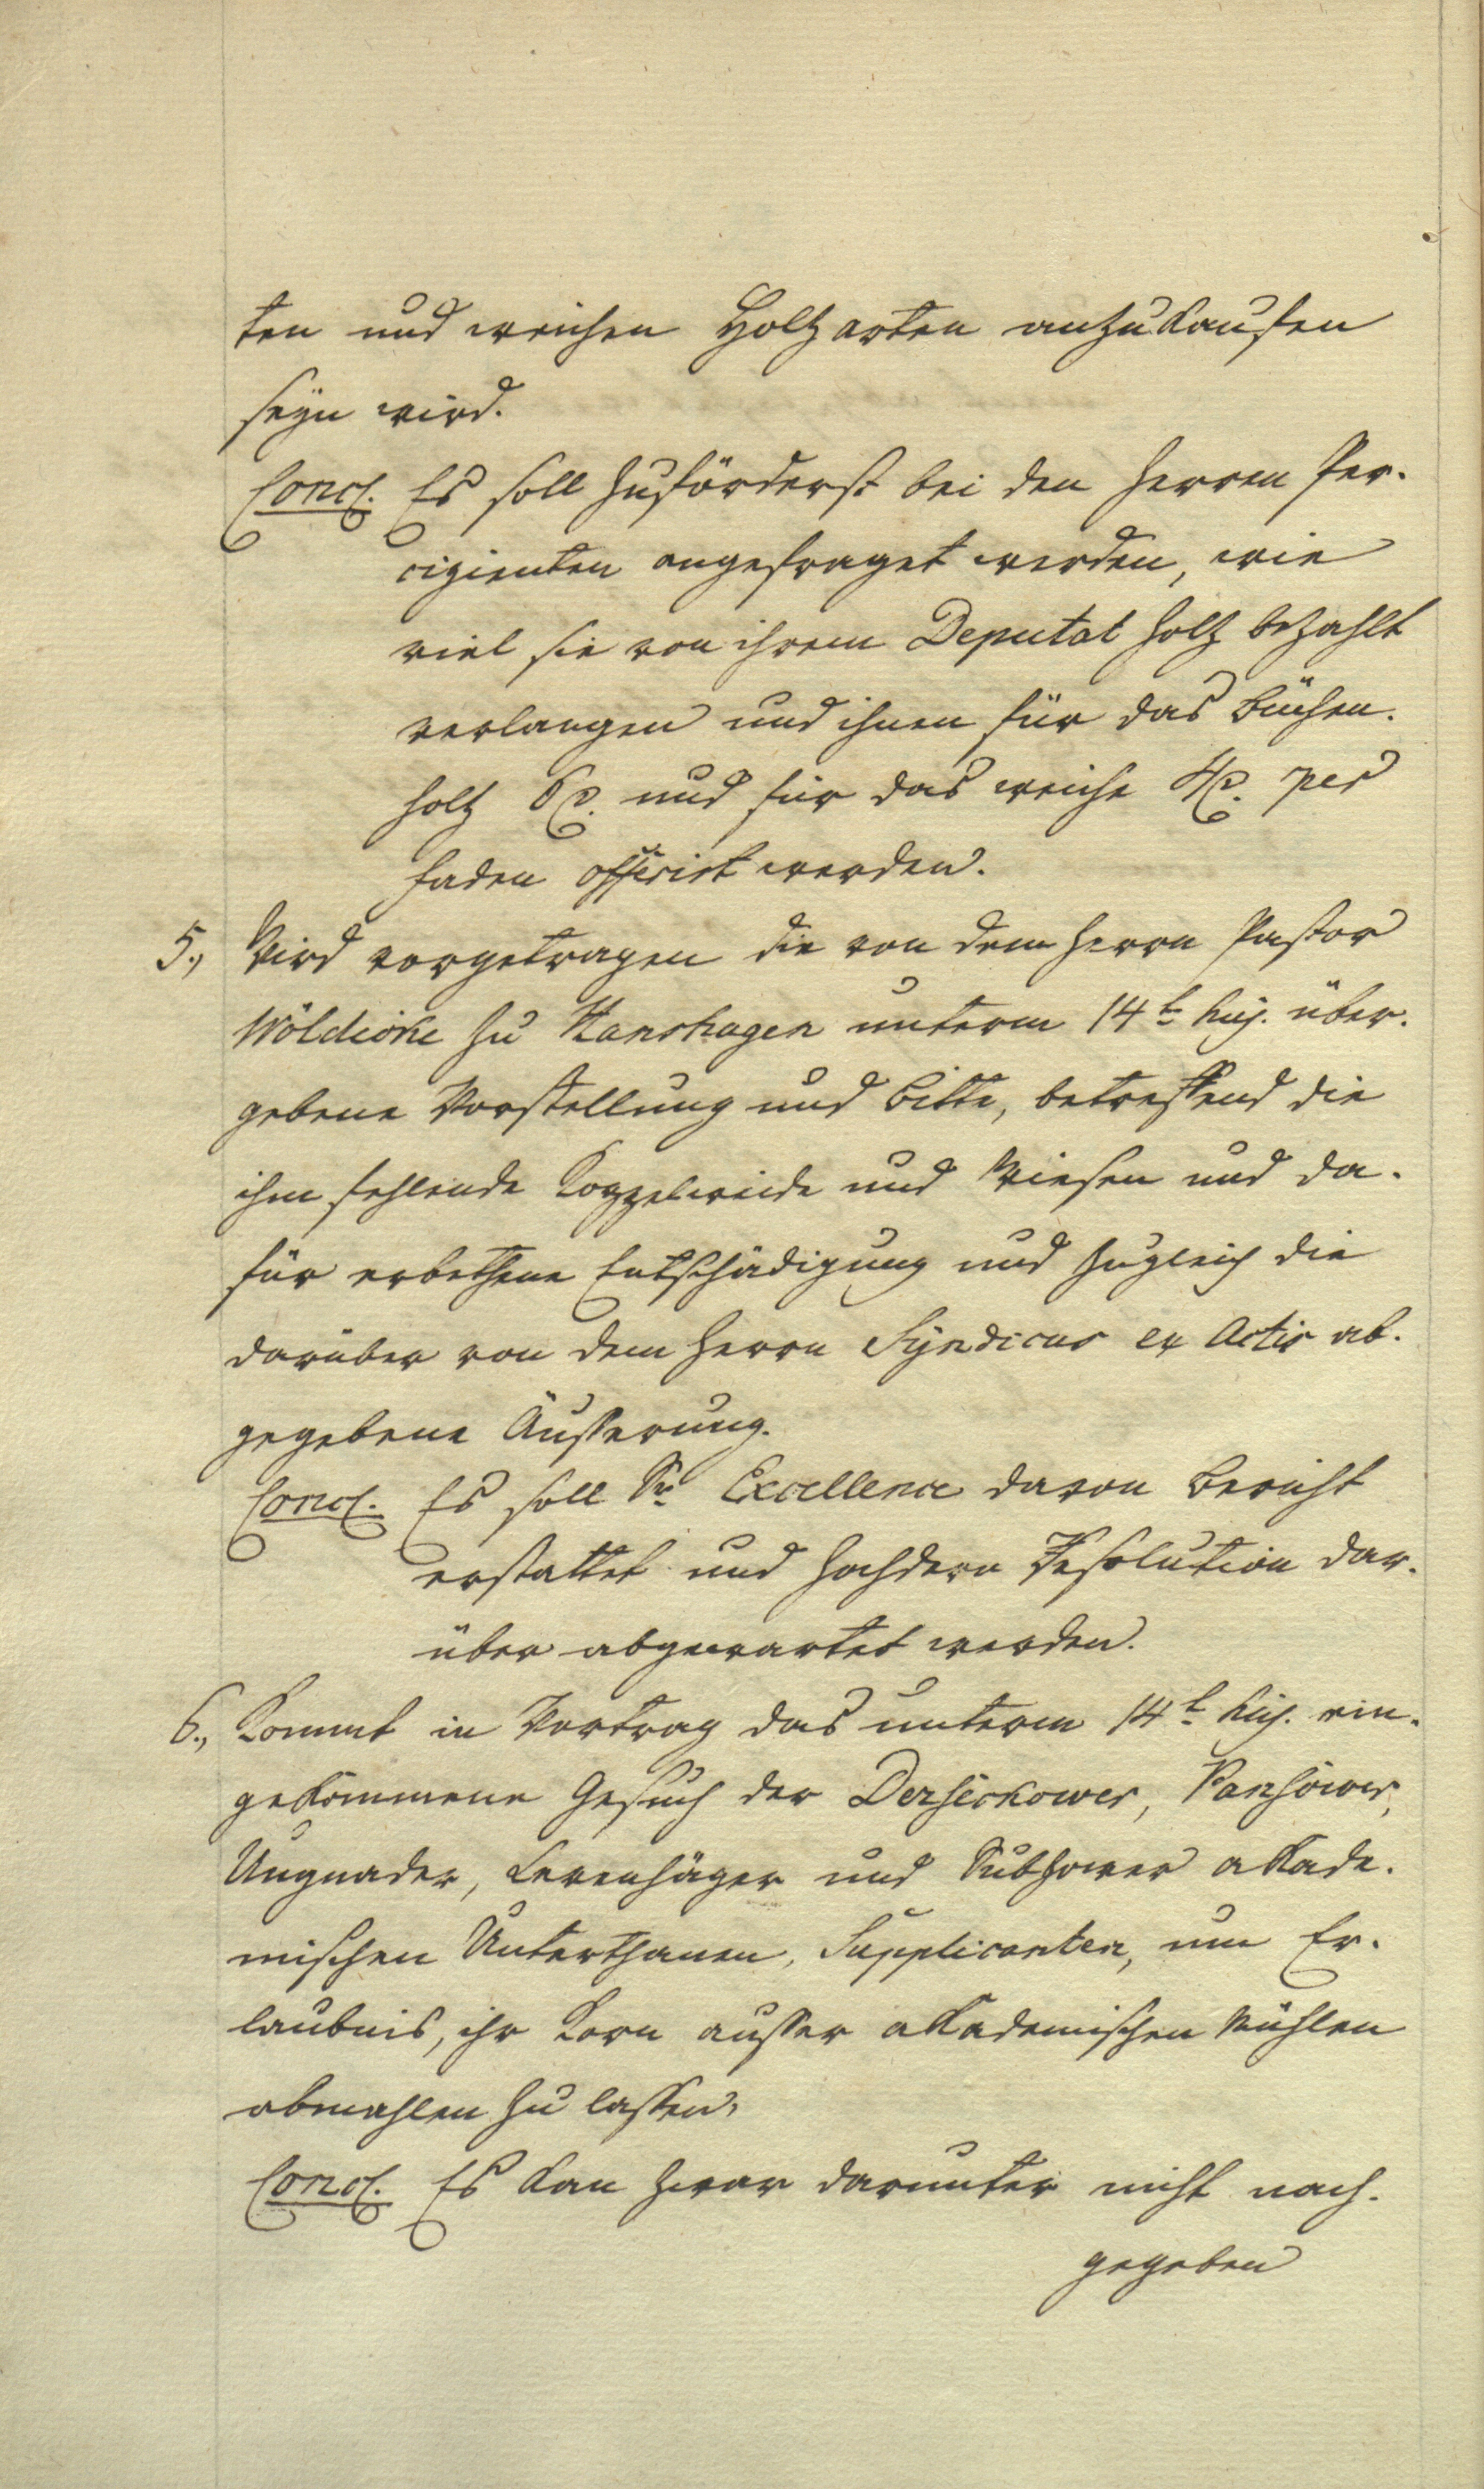ten und weichen Holzarten anzukaufen
seÿn wird.
Concl. Es soll zuförderst bei den Herren Per¬
cigienten angefraget werden, wie
viel sie von ihrem Deputat Holz bezahlt
verlangen und ihnen für das Büchen¬
holz 6 l. und für das weiche 4 l. per
Faden offerirt werden.
5., Wird vorgetragen die von dem Herrn Pastor
Wöldicke zu Hanshagen unterm 14 t huj. über¬
gebene Vorstellung und Bitte, betreffend die
ihm fehlenden Koppelweide und Wiesen und da¬
für erbethene Entschädigung und zugleich die
darüber von dem Herrn Sÿndicus ex Actis ab¬
gegebene Äusserung.
Concl. Es soll Sr Excellence davon Bericht
erstattet und hochderen Resolution dar¬
über abgewartet werden.
6., Kommt in Vortrag das unterm 14 t huj. ein¬
gekommene Gesuch der Derseckower, Pansower,
Ungnader, Levenhäger und Subzower akade¬
mischen Unterthanen, Supplicanten, um Er¬
laubnis, ihr Korn ausser akademischen Mühlen
abmnahlen zu lassen,
Concl. Es kan zwar darunter nicht nach¬
gegeben